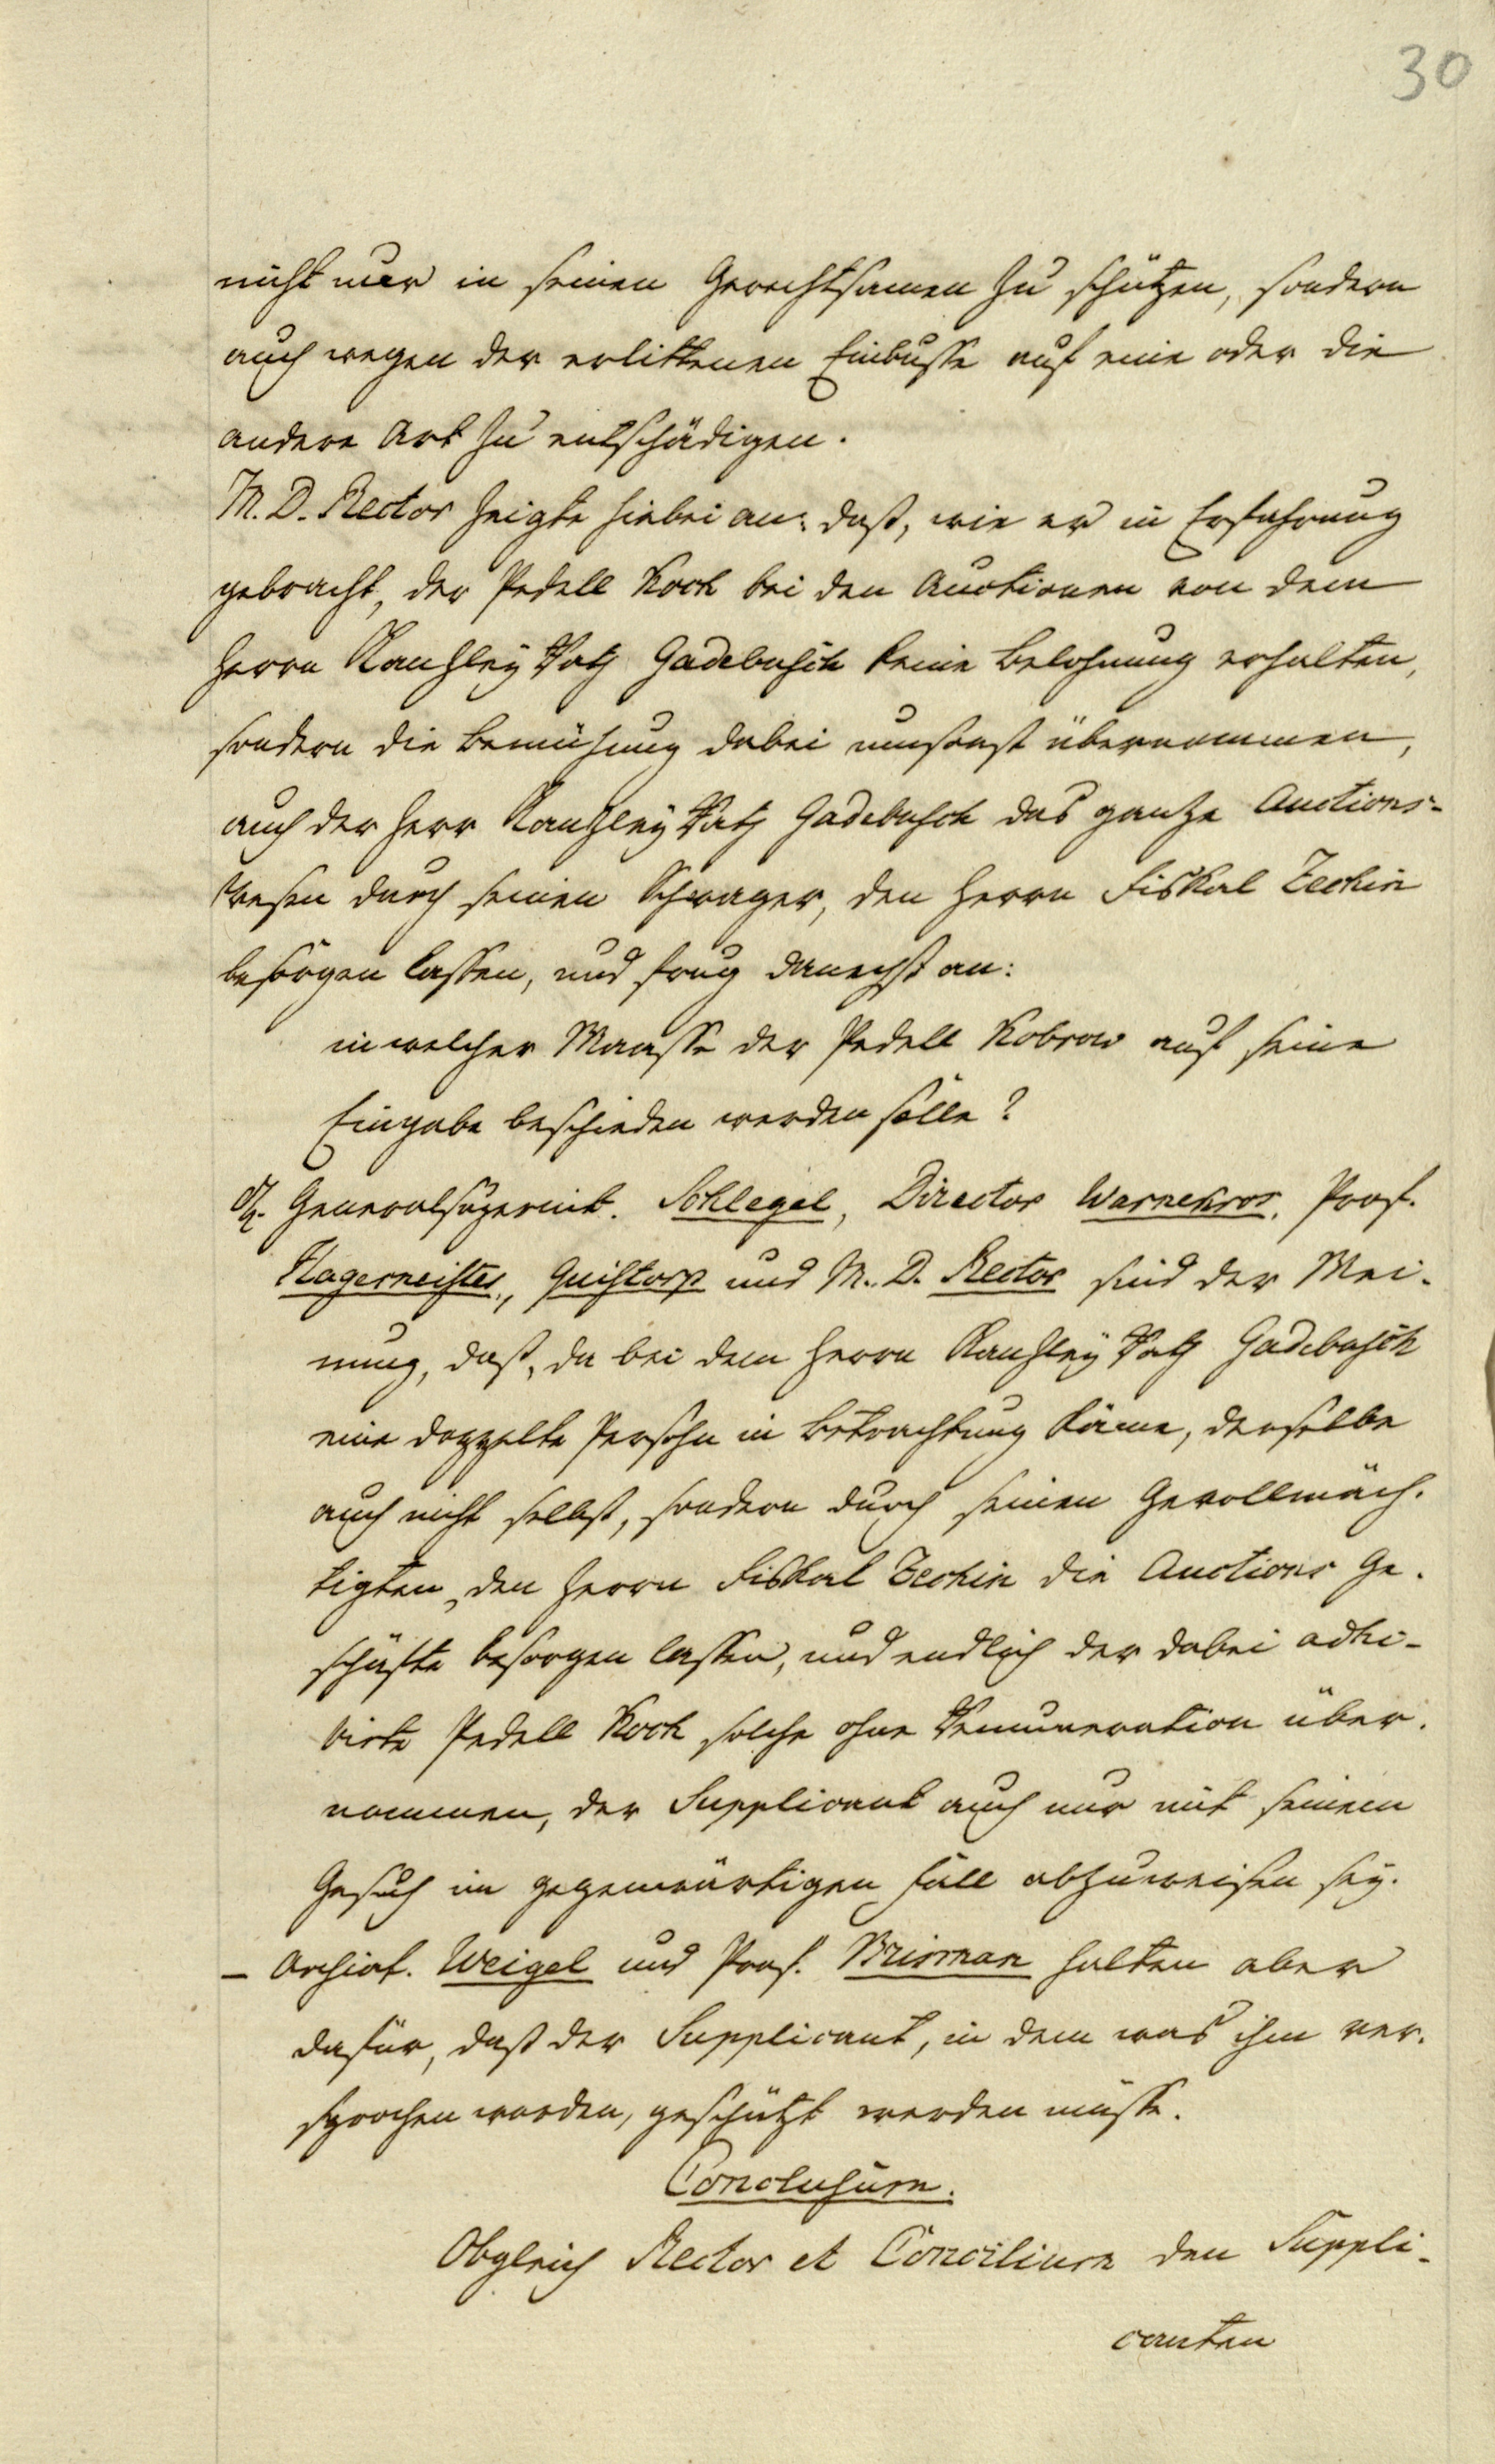nicht nur in seinen Gerechtsamen zu schützen, sondern
auch wegen der erlittenen Einbusse auf eine oder die
andere Art zu entschädigen.
M. D. Rector zeigte hiebei an: daß, wie er in Erfahrung
gebracht, der Pedell Koch bei den Auctionen von dem
herrn Kanzleÿ Rath Gadebusch keine Belohnung erhalten,
sondern die Bemühung dabei umsonst übernommen,
auch der herr Kanzleÿ Rath Gadebusch das ganze Auctions¬
Wesen durch seinen Schwager, den herrn Fiskal Zechin
besorgen lassen, und frug danechst an:
in welcher Maasse der Pedell Kobrow auf seine
Eingabe beschieden werden solle?
dh. Generalsuperint. Schlegel, Director Warnekros, Prof.
Hagemeister, Quistorp und M. D. Rector sind der Mei¬
nung, daß, da bei dem herrn Kanzleÿ Rath Gadebusch
eine doppelte Persohn in Betrachtung käme, derselbe
auch nicht selbst, sondern durch seinen Gevollmäch¬
tigten, den herrn Fiskal Zechin die Auctions Ge¬
schäfte besorgen lassen, und endlich der dabei adhi¬
birte Pedell Koch solche ohne Renumeration über¬
nommen, der Supplicant auch nur mit seinem
Gesuch im gegenwärtigen Fall abzuweisen seÿ.
Archiat. Weigel und Prof. Brisman halten aber
dafür, daß der Supplicant, in dem was ihm ver¬
sprochen worden, geschützt werden müsse.
Conclusum.
Obgleich Rector et Concilium den Suppli¬
canten